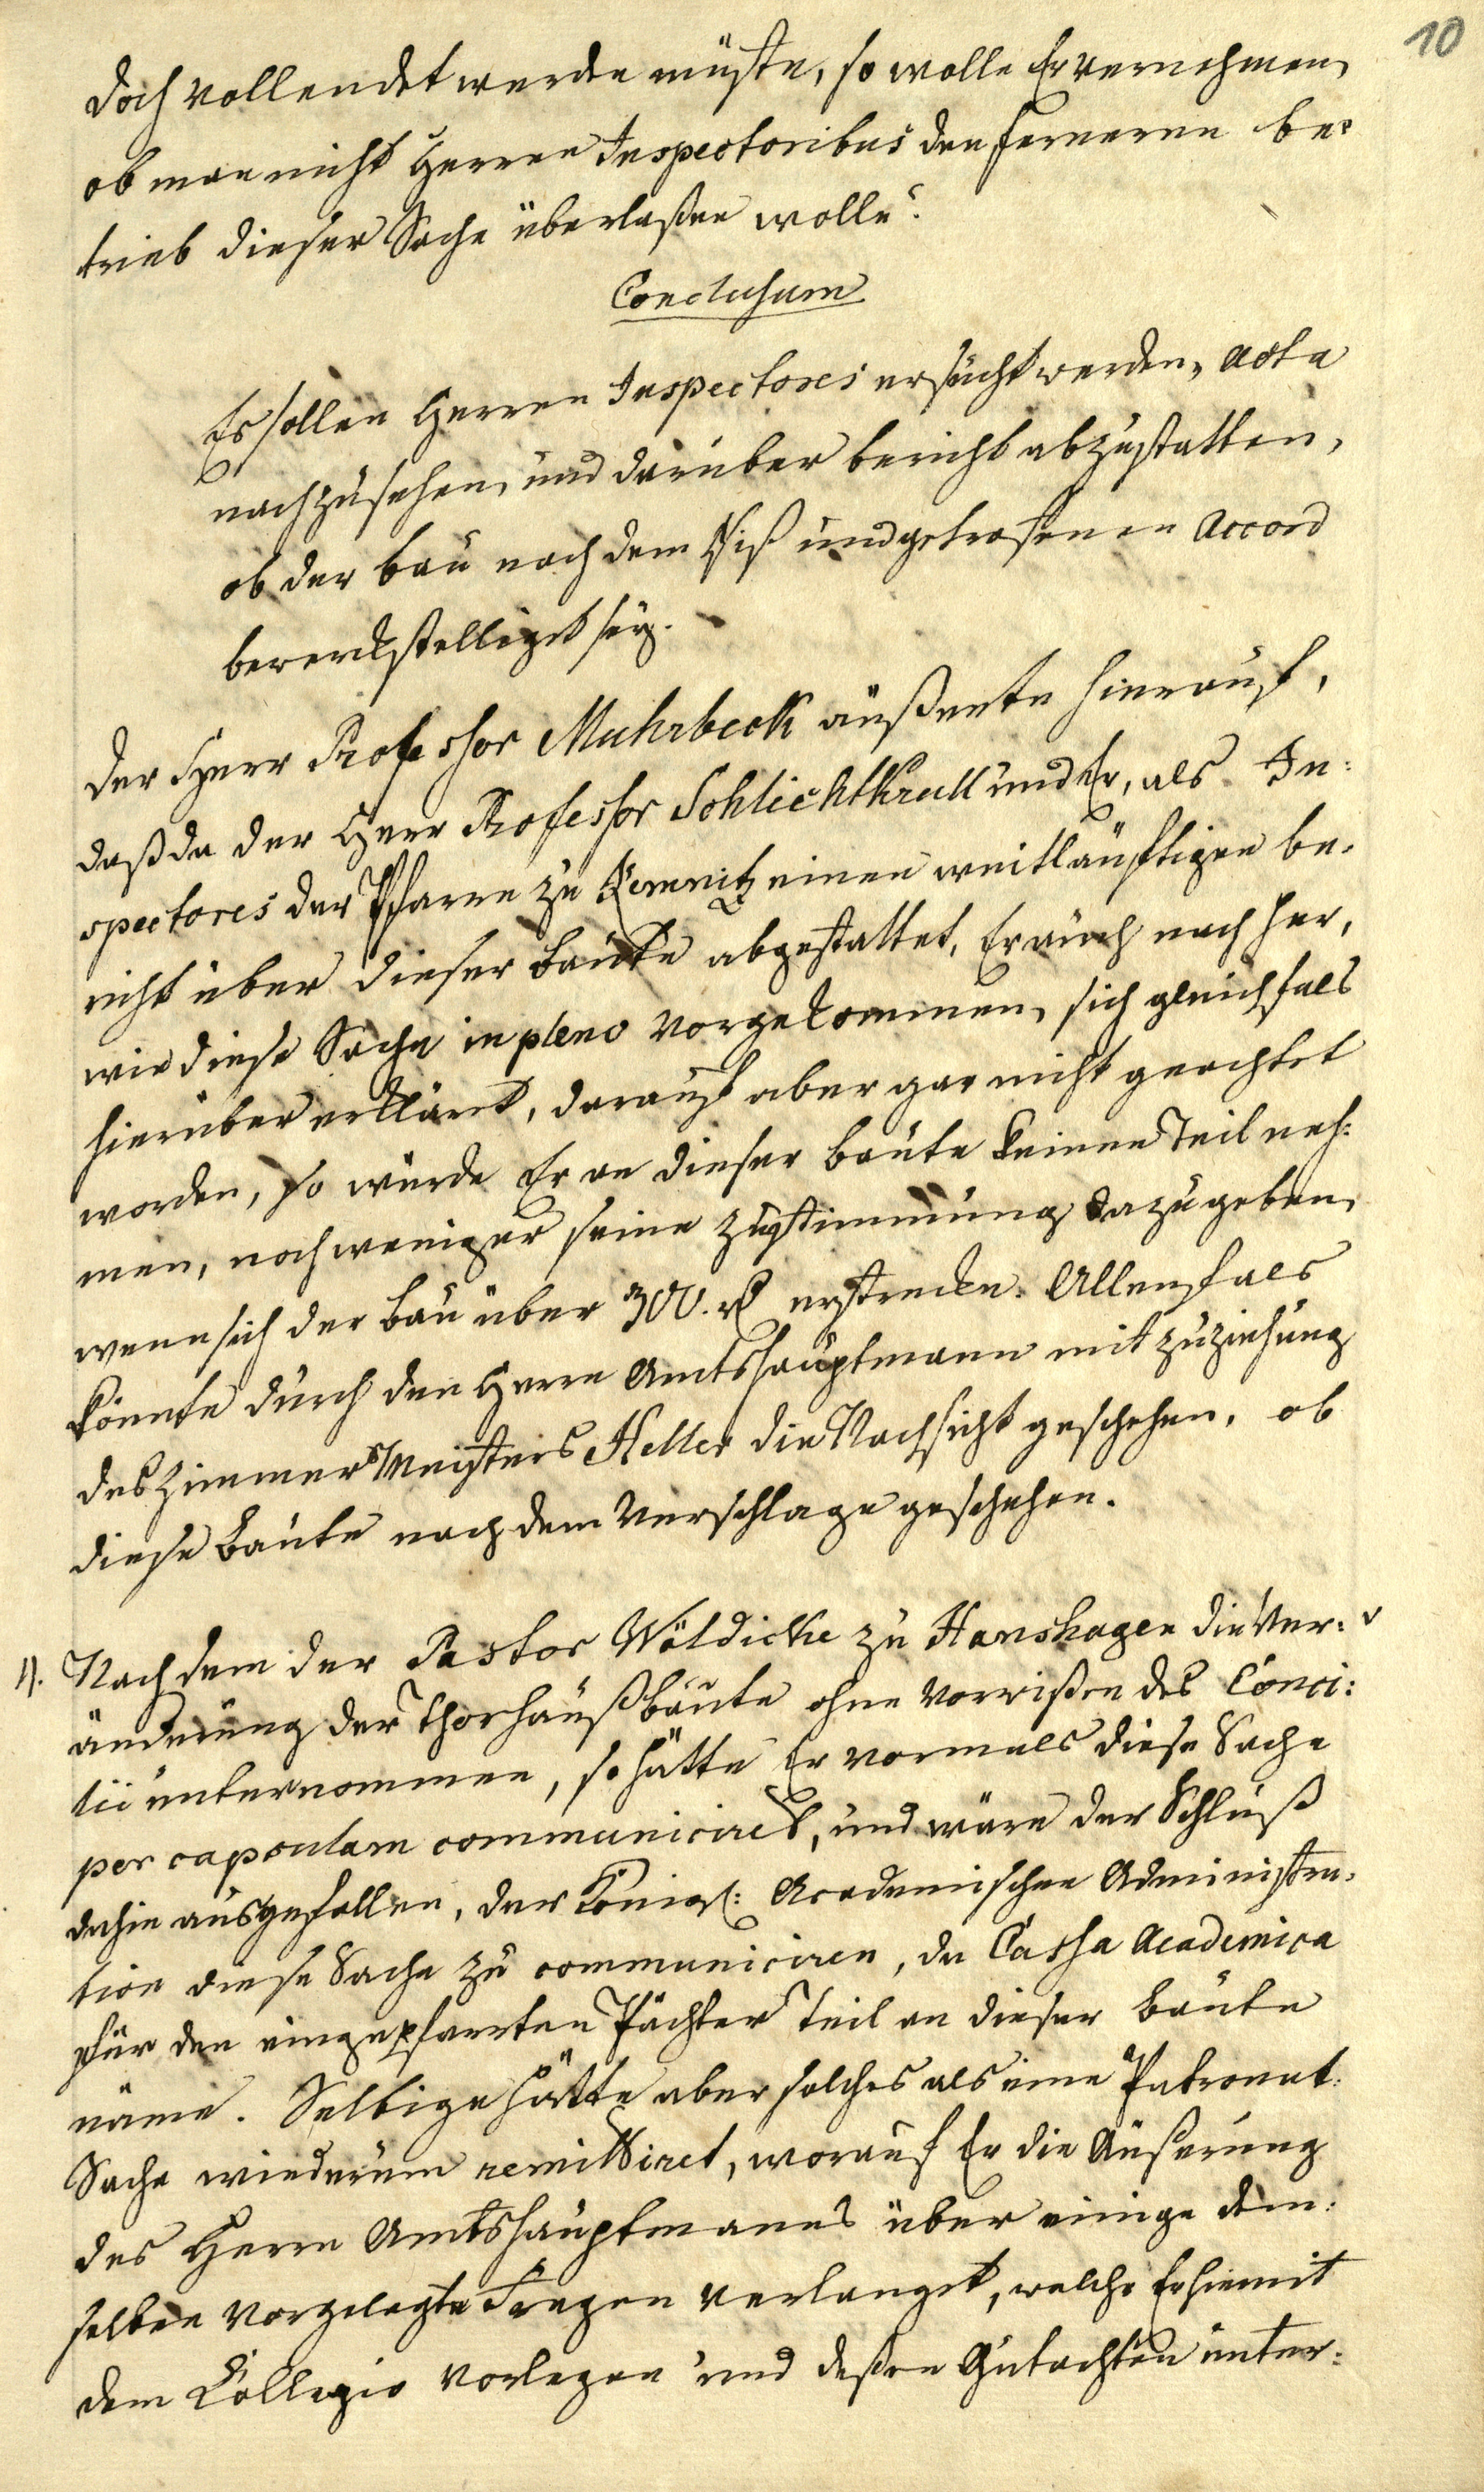doch vollendet werden müste, so wolle Er vernehmen,
ob man nicht Herren Inspectoribus den ferneren Be¬
trieb dieser Sache überlassen wolle?
Conclusum
Es sollen Herren Inspectores ersucht werden, Acta
nachzusehen, und darüber Bericht abzustatten,
ob der Bau nach dem Riß nd getroffenen Accord
bewerkstelliget seÿ.
Der Herr Professor Muhrbeck äußerte hierauf,
daß da der Herr Professor Schlichtkrull und Er, als In¬
spectores der Pfarre zu Kemnitz einen weitläuftigen Be¬
richt über dieser Baute abgestattet, Er auch nach her,
wie diese Sache in pleno vorgekommen, sich gleichfals
hierüber erkläret, darauf aber gar nicht geachtet
worden, so würde Er an dieser Baute keinen Teil neh¬
men, noch weniger seine Zustimmung dazu geben,
wenn sich der Bau über 300. rtl erstrecke. Allenfals
könnte durch den Herrn Amtshauptmann mit Zuziehung
des Zimmer Meisters Heller die Nachsicht geschehen, ob
diese Baute nach dem Verschlage geschehen.
4. Nachdem der Pastor Wöldicke zu Hanshagen die Ver
änderung der Thorhaußbaute ohne Vorwißen des Conci¬
lii unternommen, so hätte Er vormals diese Sache
per capsulam communiciret, und wäre der Schluß
dahin ausgefallen, der Königl. Academischen Administra¬
tion diese Sache zu communiciren, da Cassa Academica
für den eingepfarrten Pächter Teil an dieser Baute
näme. Selbige hätte aber solches als eine Patronat¬
Sache wiederum remittiret, worauf Er die Äußerung
des Herrn Amtshauptmanns über einige dem¬
selben vorgelegte Fragen verlanget, welche Er hiemit
dem Collegio vorlegen und deßen Gutachten unter¬